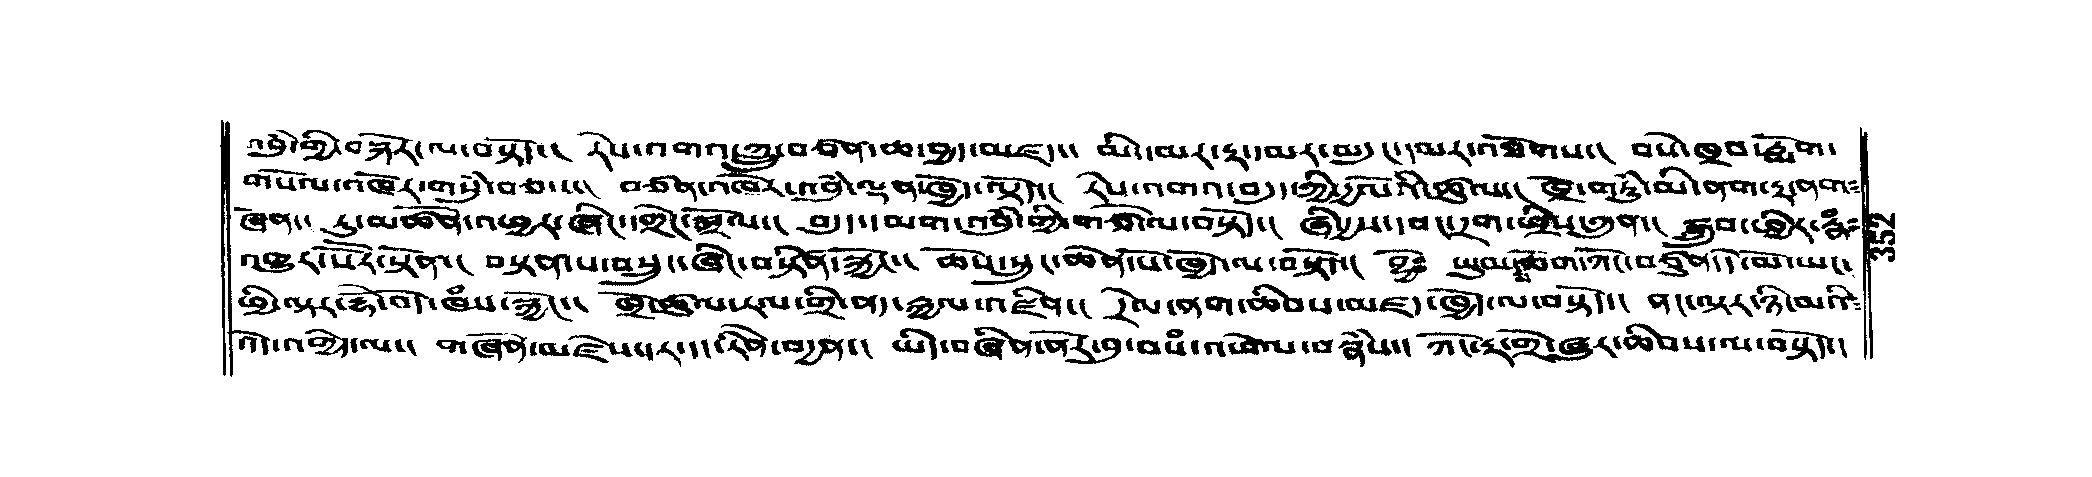འབུམ་གྱི་བསྐོར་ལ་བསྟོད། །རེས་འགའ་ཀླུ་བཙན་ཆ་བྱད་མཛད། །མི་དམར་རྟ་དམར་མདུང་འཐོགས། བསེ་ཁྲབ་རྨོག་
གསོལ་འཁོར་གསུམ་བཅས། །བཙན་འཁོར་འབུམ་ལྡན་ཁྱོད་ལ་བསྟོད། །རེ་འགའ་བདུད་ཀྱི་རྒྱལ་པོའི་ཚུལ། །ཁྲོ་གཏུམ་མི་ནག་རྟ་ནག་
ཞོན། །རུ་མཚོན་འཕྱར་ཞིང་དགྲ་གེགས་སྒྲོལ། །བདུད་དམག་འབུམ་གྱི་གཙོ་ལ་བསྟོད། །ཞི་རྒྱས་དབང་དྲག་ཕྲིན་ལས་ཀུན། །སྒྲུབ་ཕྱིར་རྣམ་
འགྱུར་སོ་སོར་སྟོན། །བསྟན་པ་བསྲུང་ཞིང་བསྟན་འཛིན་སྐྱོང་། །ཆོས་སྲུང་ཆེན་པོ་ཁྱོད་ལ་བསྟོད། །བྷྱོཿ ཡུམ་མཆོག་ཀོང་བཙུན་དེ་མོ་ཡང་། 
ཕྱི་ལྟར་རྡོ་རྗེ་བོད་ཁམས་སྐྱོང་། །ཁྲོ་ཚུལ་རལ་གྲི་ནད་རྐྱལ་འཛིན། །དྲེལ་ནག་ཆིབས་མཛད་ཁྱོད་ལ་བསྟོད། །ནང་ལྟར་ཉི་མའི་
འོད་འགྱེད་ལ། །གཞོན་མཛེས་དར་དང་རིན་ཆེན་བརྒྱན། །ཡིད་བཞིན་ནོར་བུ་བསམ་འཕེལ་བསྣམས། །ཀོང་རྟ་གྲོ་ཞུན་ཆིབས་ལ་བསྟོད། །